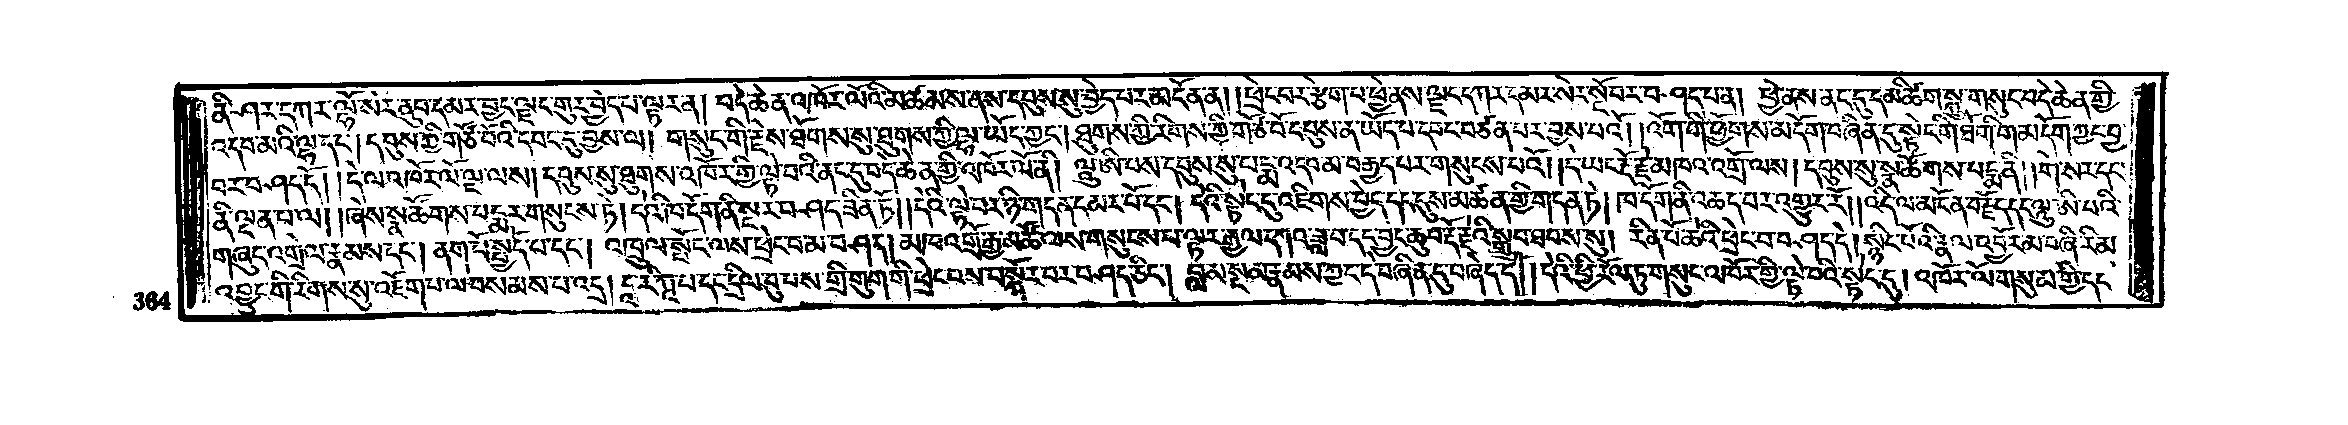ནི་ཤར་དཀར་ལྷོ་སེར་ནུབ་དམར་བྱང་ལྗང་གུར་བྱེད་པ་ལྟར་ན། བདེ་ཆེན་འཁོར་ལོའི་མཚམས་ནས་དབུས་སུ་བྱེད་པར་མངོན་ནོ། །ཕྲེང་བར་རྩིག་པ་ཕྱི་ནས་ལྗང་དཀར་དམར་སེར་སྔོ་བར་བཤད་པ་ནི། ཕྱི་ནས་ནང་དུ་དམ་ཚིག་སྐུ་གསུང་བདེ་ཆེན་གྱི་
འདབ་མའི་ལྷ་དང་། དབུས་ཀྱི་གཙོ་བོའི་དབང་དུ་བྱས་ལ། གསུང་གི་རྗེས་ཐོགས་སུ་ཐུགས་ཀྱི་ལྷ་ཡོད་ཀྱང་། ཐུགས་ཀྱི་རིགས་ཀྱི་གཙོ་བོ་དབུས་ན་ཡོད་པ་དབང་བཙན་པར་བྱས་པའོ། །འོག་གི་ཕྱོགས་མདོག་བཞིན་དུ་སྟེང་གི་ཐོག་གི་མདོག་ཀྱང་བྱ་
བར་བཤད་དོ། །དེ་ལ་འཁོར་ལོ་ལྔ་ལས། དབུས་སུ་ཐུགས་འཁོར་གྱི་ལྟེ་བའི་ནང་དུ་བདེ་ཆེན་གྱི་འཁོར་ལོ་ནི། ལཱུ་ཨི་པས་དབུས་སུ་པདམ་འདབ་མ་བརྒྱད་པར་གསུངས་པའོ། །དེ་ཡང་རྡོ་རྗེ་མཁའ་འགྲོ་ལས། དབུས་སུ་སྣ་ཚོགས་པདམ་ནི། །གེ་སར་དང་
ནི་ལྡན་པ་ལ། །ཞེས་སྣ་ཚོགས་པདམར་གསུངས་ཏེ། དེའི་ཁ་དོག་ནི་སྔར་བཤད་ཟིན་ཏོ། །དེའི་ལྟེ་བར་ཉི་གདན་དམར་པོ་དང་། དེའི་སྟེང་དུ་འཇིགས་བྱེད་དང་དུས་མཚན་གྱི་གདན་ཏེ། ཁ་དོག་ནི་འཆད་པར་འགྱུར་རོ། །འདི་ལ་མངོན་བརྗོད་དང་ལཱུ་ཨི་པའི་
གཞུང་འགྲེལ་རྣམས་དང་། ནག་པོ་སྤྱོད་པ་དང་། འཁྲུལ་སྤོང་ལས་ཕྲེང་བ་མ་བཤད། མཁའ་འགྲོ་རྒྱ་མཚོ་ལས་གསུངས་པ་ལྟར་རྒྱལ་དཀའ་ཟླ་བ་དང་བྱང་ཆུབ་རྡོ་རྗེའི་སྒྲུབ་ཐབས་སུ། རིན་པོ་ཆེའི་ཕྲེང་བ་བཤད་དེ། སྙིང་པོའི་རྣལ་འབྱོར་མ་བཞི་རིན་
འབྱུང་གི་རིགས་སུ་འཇོག་པ་ལ་བསམས་པ་འདྲ། དཱ་རི་ཀཱ་པ་དང་དྲིལ་བུ་པས་གྲི་གུག་གི་ཕྲེང་བས་བསྐོར་བར་བཤད་ཅིང་། བླ་མ་སྔ་མ་རྣམས་ཀྱང་དེ་བཞིན་དུ་བཞེད་དོ། །དེའི་ཕྱི་རོལ་ཏུ་གསུང་འཁོར་གྱི་ལྟེ་བའི་སྟེང་དུ། འཁོར་ལོ་གསུམ་གྱི་དང་